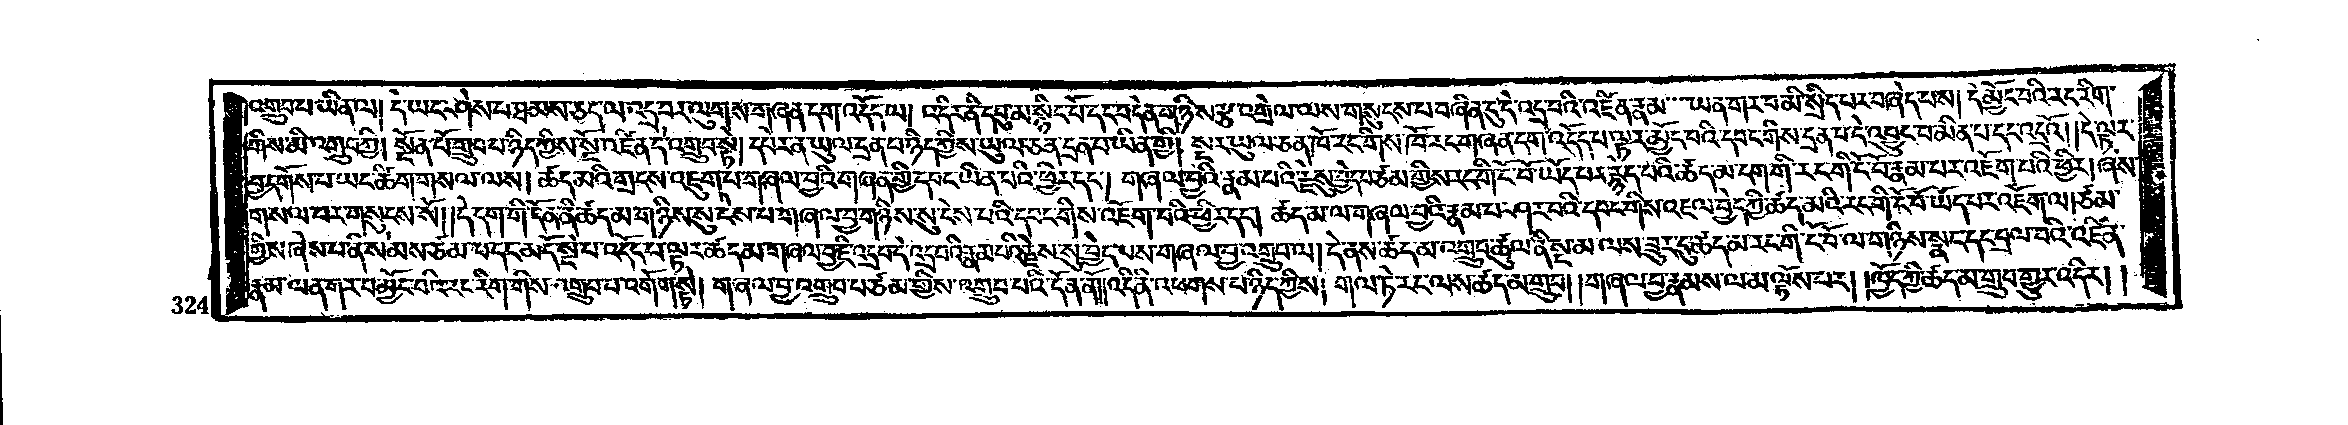འགྲུབ་པ་ཡིན་ལ། དེ་ཡང་ཤེས་པ་ཐམས་ཅད་ལ་འདྲ་བར་ལུགས་གཞན་དག་འདོད་ལ། འདིར་ནི་དབུ་མ་སྙིང་པོ་དང་བདེན་གཉིས་རྩ་འགྲེལ་ལས་གསུངས་པ་བཞིན་དུ་དེ་འདྲ་བའི་འཛིན་རྣམ་ཡན་གར་བ་མི་སྲིད་པར་བཞེད་པས། དེ་མྱོང་བའི་རང་རིག་
གིས་མི་འགྲུབ་ཀྱི། སྔོན་པོ་གྲུབ་པ་ཉིད་ཀྱིས་སྔོ་འཛིན་དེ་འགྲུབ་སྟེ། དཔེར་ན་ཡུལ་དྲན་པ་ཉིད་ཀྱིས་ཡུལ་ཅན་དྲན་པ་ཡིན་གྱི། སྔར་ཡུལ་ཅན་ཁོ་རང་གིས་ཁོ་རང་གཞན་དག་འདོད་པ་ལྟར་མྱོང་བའི་དབང་གིས་དྲན་པ་དེ་འབྱུང་བ་མིན་པ་དང་འདྲའོ། །དེ་ལྟར་
བྱ་དགོས་པ་ཡང་ཚིག་གསལ་ལས། ཚད་མའི་གྲངས་འཇུག་པ་གཞལ་བྱའི་གཞན་གྱི་དབང་ཡིན་པའི་ཕྱིར་དང་། གཞལ་བྱའི་རྣམ་པའི་རྗེ་སུ་བྱེད་པ་ཙམ་གྱིས་རང་གི་ངོ་བོ་ཡོད་པར་རྙེད་པའི་ཚད་མ་དག་གི་རང་གི་ངོ་བོ་རྣམ་པར་འཇོག་པའི་ཕྱིར། ཞེས་
གསལ་བར་གསུངས་སོ། །དེ་དག་གི་དོན་ནི་ཚད་མ་གཉིས་སུ་ངེས་པ་གཞལ་བྱ་གཉིས་སུ་ངེས་པའི་དབང་གིས་འཇོག་པའི་ཕྱིར་དང་། ཚད་མ་ལ་གཞལ་བྱའི་རྣམ་པ་ཤར་བའི་དབང་གིས་འཇལ་བྱེད་ཀྱི་ཚད་མའི་རང་གི་ངོ་བོ་ཡོད་པར་འཇོག་ལ། ཙམ་
གྱིས་ཞེས་པ་ནི་སེམས་ཙམ་པ་དང་མདོ་སྡེ་པ་འདོད་པ་ལྟར་ཚད་མ་གཞལ་བྱ་ཇི་འདྲ་པ་དེ་འདྲ་བའི་རྣམ་པའི་རྗེ་སུ་བྱེད་པས་གཞལ་བྱ་འགྲུབ་ལ། དེ་ནས་ཚད་མ་འགྲུབ་ཚུལ་ནི་སྔ་མ་ལས་ཟུར་དུ་ཚད་མ་རང་གི་ངོ་བོ་ལ་གཉིས་སྣང་དང་བྲལ་བའི་འཛིན་
རྣམ་ཡན་གར་བ་མྱོང་བའི་རང་རིག་གིས་འགྲུབ་པ་འགོག་སྟེ། གཞལ་བྱ་འགྲུབ་པ་ཙམ་གྱིས་འགྲུབ་པའི་དོན་ནོ། །འདི་ནི་འཕགས་པ་ཉིད་ཀྱིས། གལ་ཏེ་རང་ལས་ཚད་མ་གྲུབ། །གཞལ་བྱ་རྣམས་ལ་མ་ལྟོས་པར། །ཁྱོད་ཀྱི་ཚད་མ་གྲུབ་གྱུར་འདིར། །